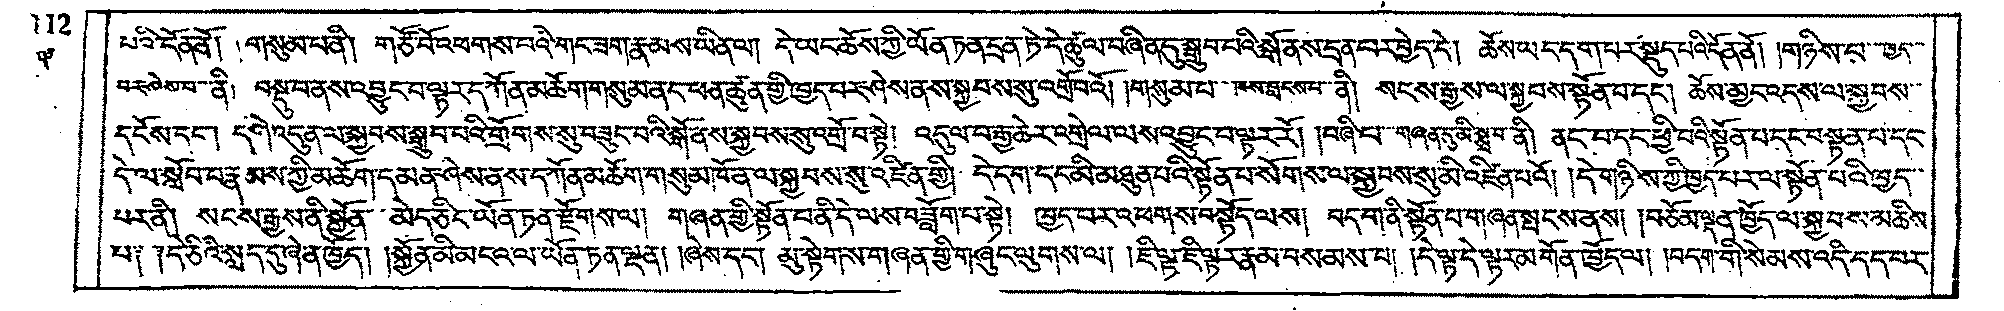པའི་དོན་ནོ། །གསུམ་པ་ནི། གཙོ་བོ་འཕགས་པའི་གང་ཟག་རྣམས་ཡིན་ལ། དེ་ཡང་ཆོས་ཀྱི་ཡོན་ཏན་དྲན་ཏེ་དེ་ཚུལ་བཞིན་དུ་སྒྲུབ་པའི་སྒོ་ནས་དྲན་པར་བྱེད་དེ། ཆོས་ཡང་དག་པར་སྡུད་པའི་དོན་ནོ། །གཉིས་པཁྱད་
པར་ཤེས་པནི། བསྡུ་བ་ནས་འབྱུང་བ་ལྟར་དཀོན་མཆོག་གསུམ་ནང་ཕན་ཚུན་གྱི་ཁྱད་པར་ཤེས་ནས་སྐྱབས་སུ་འགྲོ་བའོ། །གསུམ་པཁས་བླངས་པནི། སངས་རྒྱས་ལ་སྐྱབས་སྟོན་པ་དང་། ཆོས་མྱང་འདས་ལ་སྐྱབས་
དངོས་དང་། དགེ་འདུན་ལ་སྐྱབས་སྒྲུབ་པའི་གྲོགས་སུ་བཟུང་བའི་སྒོ་ནས་སྐྱབས་སུ་འགྲོ་བ་སྟེ། འདུལ་བ་རྒྱ་ཆེར་འགྲེལ་ལས་འབྱུང་བ་ལྟར་རོ། །བཞི་པགཞན་དུ་མི་སྨྲ་བནི། ནང་པ་དང་ཕྱི་པའི་སྟོན་པ་དང་བསྟན་པ་དང་
དེ་ལ་སློབ་པ་རྣམས་ཀྱི་མཆོག་དམན་ཤེས་ནས་དཀོན་མཆོག་གསུམ་ཁོ་ན་ལ་སྐྱབས་སུ་འཛིན་གྱི། དེ་དག་དང་མི་མཐུན་པའི་སྟོན་པ་སོགས་ལ་སྐྱབས་སུ་མི་འཛིན་པའོ། །དེ་གཉིས་ཀྱི་ཁྱད་པར་ལ་སྟོན་པའི་ཁྱད་
པར་ནི། སངས་རྒྱས་ནི་སྐྱོནྨེད་ཅིང་ཡོན་ཏན་རྫོགས་ལ། གཞན་གྱི་སྟོན་པ་ནི་དེ་ལས་བཟློག་པ་སྟེ། ཁྱད་པར་འཕགས་བསྟོད་ལས། བདག་ནི་སྟོན་པ་གཞན་སྤངས་ནས། །བཅོམ་ལྡན་ཁྱོད་ལ་སྐྱབས་མཆིས་
པ༑ ༑དེ་ཅིའི་སླད་དུ་ཞེ་ན་ཁྱོད། །སྐྱོན་མི་མངའ་ལ་ཡོན་ཏན་ལྡན། །ཞེས་དང་། མུ་སྟེགས་གཞན་གྱི་གཞུང་ལུགས་ལ། །ཇི་ལྟ་ཇི་ལྟར་རྣམ་བསམས་པ། །དེ་ལྟ་དེ་ལྟར་མགོན་ཁྱོད་ལ། །བདག་གི་སེམས་འདི་དད་པར་